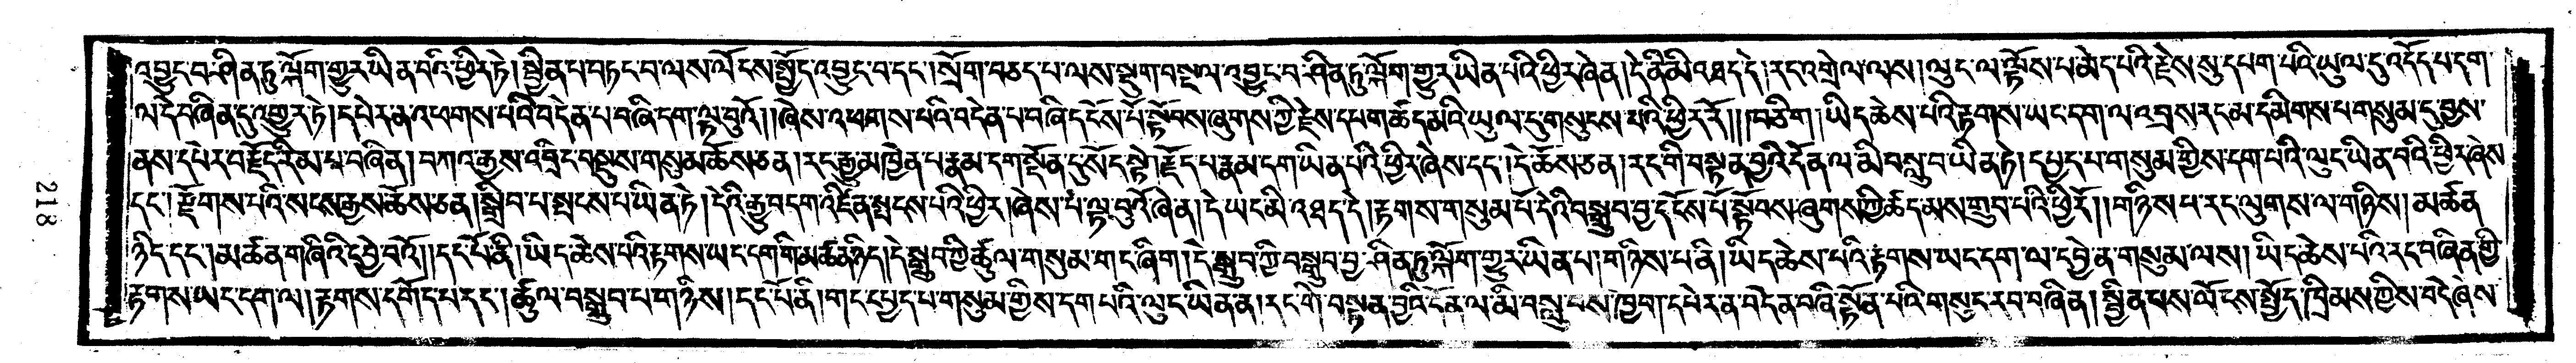འབྱུང་བ་ཤིན་ཏུ་ལྐོག་གྱུར་ཡིན་པའི་ཕྱིར་ཏེ། སྦྱིན་པ་བཏང་བ་ལས་ལོངས་སྤྱོད་འབྱུང་བ་དང་། སྲོག་བཅད་པ་ལས་སྡུག་བསྔལ་འབྱུང་བ་ཤིན་ཏུ་ལྐོག་གྱུར་ཡིན་པའི་ཕྱིར་ཞེ་ན། དེ་ནི་མི་འཐད་དེ། རང་འགྲེལ་ལས། ལུང་ལ་ལྟོས་པ་མེད་པའི་རྗེས་སུ་དཔག་པའི་ཡུལ་དུ་འདོད་པ་དག་
ལ་དེ་བཞིན་དུ་འགྱུར་ཏེ། དཔེར་ན་འཕགས་པའི་བདེན་པ་བཞི་དག་ལྟ་བུའོ། །ཞེས་འཕགས་པའི་བདེན་པ་བཞི་དངོས་པོ་སྟོབས་ཞུགས་ཀྱི་རྗེས་དཔག་ཚད་མའི་ཡུལ་དུ་གསུངས་པའི་ཕྱིར་རོ། །ཁ་ཅིག །ཡིད་ཆེས་པའི་རྟགས་ཡང་དག་ལ་འབྲས་རང་མ་དམིགས་པ་གསུམ་དུ་བྱས་
ནས་དཔེར་བརྗོད་རིམ་པ་བཞིན། བཀའ་རྒྱས་འབྲིང་བསྡུས་གསུམ་ཆོས་ཅན། རང་རྒྱུ་མཁྱེན་པ་རྣམ་དག་སྔོན་དུ་སོང་སྟེ། རྗོད་པ་རྣམ་དག་ཡིན་པའི་ཕྱིར་ཞེས་དང་། དེ་ཆོས་ཅན། རང་གི་བསྟན་བྱའི་དོན་ལ་མི་བསླུ་བ་ཡིན་ཏེ། དཔྱད་པ་གསུམ་གྱིས་དག་པའི་ལུང་ཡིན་པའི་ཕྱིར་ཞེས་
དང་། རྫོགས་པའི་སངས་རྒྱས་ཆོས་ཅན། སྒྲིབ་པ་སྤངས་པ་ཡིན་ཏེ། དེའི་རྒྱུ་བདག་འཛིན་སྤངས་པའི་ཕྱིར། ཞེས་པ་ལྟ་བུའོ་ཞེ་ན། དེ་ཡང་མི་འཐད་དེ། རྟགས་གསུམ་པོ་དེའི་བསྒྲུབ་བྱ་དངོས་པོ་སྟོབས་ཞུགས་ཀྱི་ཚད་མས་གྲུབ་པའི་ཕྱིར། རོ། །གཉིས་པ་རང་ལུགས་ལ་གཉིས། མཚན་
ཉིད་དང་། མཚན་གཞིའི་དབྱེ་བའོ། །དང་པོ་ནི། ཡིད་ཆེས་པའི་རྟགས་ཡང་དག་གི་མཚན་ཉིད། དེ་སྒྲུབ་ཀྱི་ཚུལ་གསུམ་གང་ཞིག །དེ་སྒྲུབ་ཀྱི་བསྒྲུབ་བྱ་ཤིན་ཏུ་ལྐོག་གྱུར་ཡིན་པ། གཉིས་པ་ནི། ཡིད་ཆེས་པའི་རྟགས་ཡང་དག་ལ་དབྱེ་ན་གསུམ་ལས། ཡིད་ཆེས་པའི་རང་བཞིན་གྱི་
རྟགས་ཡང་དག་ལ། རྟགས་དགོད་པ་དང་། ཚུལ་བསྒྲུབ་པ་གཉིས། དང་པོ་ནི། གང་དཔྱད་པ་གསུམ་གྱིས་དག་པའི་ལུང་ཡིན་ན། རང་གི་བསྟན་བྱའི་དོན་ལ་མི་བསླུ་བས་ཁྱབ། དཔེར་ན་བདེན་བཞི་སྟོན་པའི་གསུང་རབ་བཞིན། སྦྱིན་པས་ལོངས་སྤྱོད་ཁྲིམས་ཀྱིས་བདེ་ཞེས་